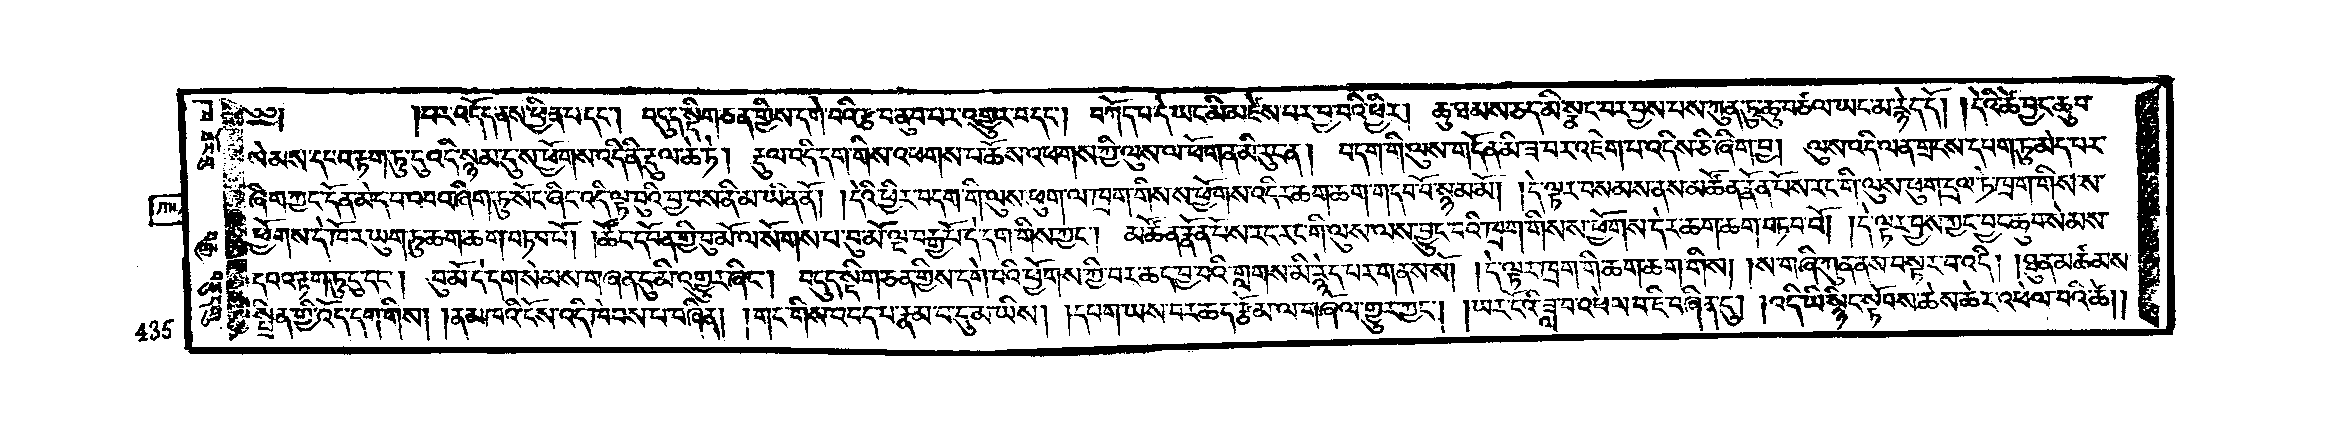༄༅། །པར་འདོད་ནས་ཕྱིན་པ་དང་། བདུད་སྡིག་ཅན་གྱིས་དགེ་བའི་རྩ་བ་ནུབ་པར་འགྱུར་བ་དང་། བཀོད་པ་དེ་ཡང་མི་མཛེས་པར་བྱ་བའི་ཕྱིར། ཆུ་ཐམས་ཅད་མི་སྣང་བར་བྱས་པས་ཀུན་ཏུ་ཆུ་བཙལ་ཡང་མ་རྙེད་དོ། །དེའི་ཚེ་བྱང་ཆུབ་
སེམས་དཔའ་རྟག་ཏུ་ངུ་འདི་སྙམ་དུ་ས་ཕྱོགས་འདི་ནི་རྡུལ་ཆེ་ཏེ། རྡུལ་འདི་དག་གིས་འཕགས་པ་ཆོས་འཕགས་ཀྱི་ལུས་ལ་ཕོག་ན་མི་རུང་ན། བདག་གི་ལུས་གདོན་མི་ཟ་བར་འཇིག་པ་འདིས་ཅི་ཞིག་བྱ། ལུས་འདི་ལན་གྲངས་དཔག་ཏུ་མེད་པར་
ཞིག་ཀྱང་དོན་མེད་པ་འབའ་ཞིག་ཏུ་སོང་ཞིང་འདི་ལྟ་བུའི་བྱ་བས་ནི་མ་ཡིན་ནོ། །དེའི་ཕྱིར་བདག་གི་ལུས་ཕུག་ལ་ཁྲག་གིས་ས་ཕྱོགས་འདིར་ཆག་ཆག་གདབ་བོ་སྙམ་མོ། །དེ་ལྟར་བསམས་ནས་མཚོན་རྣོན་པོས་རང་གི་ལུས་ཕུག་དྲལ་ཏེ་ཁྲག་གིས་ས་
ཕྱོགས་དེ་ཁོར་ཡུག་ཏུ་ཆག་ཆག་བཏབ་པོ། །ཚོང་དཔོན་གྱི་བུ་མོ་ལ་སོགས་པ་བུ་མོ་ལྔ་བརྒྱ་པོ་དེ་དག་གིས་ཀྱང་། མཚོན་རྣོན་པོས་རང་རང་གི་ལུས་ལས་བྱུང་བའི་ཁྲག་གིས་ས་ཕྱོགས་དེར་ཆག་ཆག་བཏབ་བོ། །དེ་ལྟར་བྱས་ཀྱང་བྱང་ཆུབ་སེམས་
དཔའ་རྟག་ཏུ་ངུ་དང་། བུ་མོ་དེ་དག་སེམས་གཞན་དུ་མི་འགྱུར་ཞིང་། བདུད་སྡིག་ཅན་གྱིས་དགེ་བའི་ཕྱོགས་ཀྱི་བར་ཆད་བྱ་བའི་གླགས་མི་རྙེད་པར་གནས་སོ། །དེ་ལྟར་ཁྲག་གི་ཆག་ཆག་གིས། །ས་གཞི་ཀུན་ནས་བསྟར་བ་འདི། །ཐུན་མཚམས་
སྦྱིན་གྱི་འོད་དག་གིས། །ནམ་མཁའི་ངོས་འདི་ཁེབས་པ་བཞིན། །གང་གིས་འབད་པ་རྣམ་པ་དུ་མ་ཡིས། །དཔག་ཡས་བར་ཆད་རྩོམ་ལ་གཞོལ་གྱུར་ཀྱང་། །ཡར་ངོའི་ཟླ་བ་འཕེལ་བ་ཇི་བཞིན་དུ། །འདི་ཡི་སྙིང་སྟོབས་ཆེས་ཆེར་འཕེལ་བའི་ཚེ། །